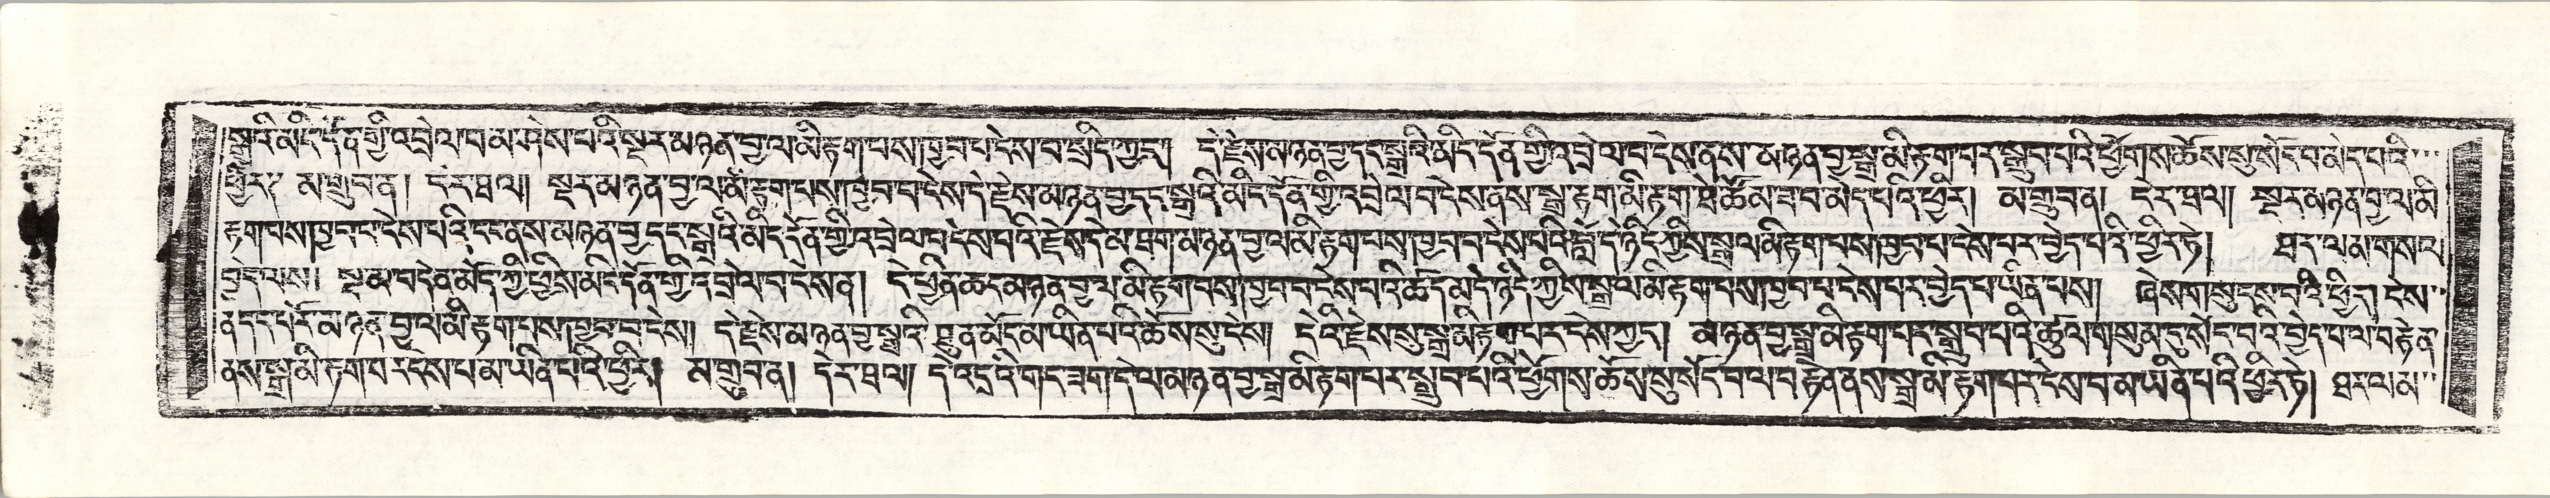སྒྲའི་མིང་དོན་གྱི་འབྲེལ་བ་མ་ཤེས་པའི་སྔར་མཉན་བྱ་ལ་མི་རྟག་པས་ཁྱབ་པ་ངེས་པ་སྲིད་ཀྱང་། དེ་རྗེས་མཉན་བྱ་དང་སྒྲའི་མིང་དོན་གྱི་འབྲེལ་བ་ངེས་ནས་མཉན་བྱ་སྒྲ་མི་རྟག་པར་སྒྲུབ་པའི་ཕྱོགས་ཆོས་སུ་སོང་བ་མེད་པའི་
ཕྱིར། །མ་གྲུབ་ན། དེར་ཐལ། སྔར་མཉན་བྱ་ལ་མི་རྟག་པས་ཁྱབ་པ་ངེས་དེ་རྗེས་མཉན་བྱ་དང་སྒྲའི་མིང་དོན་གྱི་འབྲེལ་བ་ངེས་ནས་སྒྲ་རྟག་མི་རྟག་ཐེ་ཚོམ་ཟ་བ་མེད་པའི་ཕྱིར། མ་གྲུབ་ན། དེར་ཐལ། སྔར་མཉན་བྱ་ལ་མི་
རྟག་པས་ཁྱབ་པ་ངེས་པའི་ངང་ནས་མཉན་བྱ་དང་སྒྲའི་མིང་དོན་གྱི་འབྲེལ་བ་ངེས་པའི་རྗེས་དེ་མ་ཐག་མཉན་བྱ་ལ་མི་རྟག་པས་ཁྱབ་པ་ངེས་པའི་བློ་དེ་ཉིད་ཀྱིས་སྒྲ་ལ་མི་རྟག་པས་ཁྱབ་པ་ངེས་པར་བྱེད་པའི་ཕྱིར་ཏེ། ཐར་ལམ་གསལ་
བྱེད་ལས། སྔ་མ་བདེན་མོད་ཀྱི་ཕྱིས་མིང་དོན་གྱི་འབྲེལ་བ་ངེས་ན། དེ་ཕྱིན་ཆད་མཉན་བྱ་ལ་མི་རྟག་པས་ཁྱབ་པ་ངེས་པའི་ཚད་མ་དེ་ཉིད་ཀྱིས་སྒྲ་ལ་མི་རྟག་པས་ཁྱབ་པ་ངེས་པར་བྱེད་པ་ཡིན་པས། ཞེས་གསུངས་པའི་ཕྱིར། ངེས་
ན་དང་པོར་མཉན་བྱ་ལ་མི་རྟག་པས་ཁྱབ་པ་ངེས། དེ་རྗེས་མཉན་བྱ་སྒྲའི་ཐུན་མོང་མ་ཡིན་པའི་ཆོས་སུ་ངེས། དེའི་རྗེས་སུ་སྒྲ་མི་རྟག་པར་ངེས་ཀྱང་། མཉན་བྱ་སྒྲ་མི་རྟག་པར་སྒྲུབ་པའི་ཚུལ་གསུམ་དུ་སོང་བའི་བྱེད་པ་ལ་བརྟེན་
ནས་སྒྲ་མི་རྟག་པར་ངེས་པ་མ་ཡིན་པའི་ཕྱིར། མ་གྲུབ་ན། དེར་ཐལ། དེ་འདྲའི་གང་ཟག་དེ་ལ་མཉན་བྱ་སྒྲ་མི་རྟག་པར་སྒྲུབ་པའི་ཕྱོགས་ཆོས་སུ་སོང་བ་ལ་བརྟེན་ནས་སྒྲ་མི་རྟག་པར་ངེས་པ་མ་ཡིན་པའི་ཕྱིར་ཏེ། ཐར་ལམ་